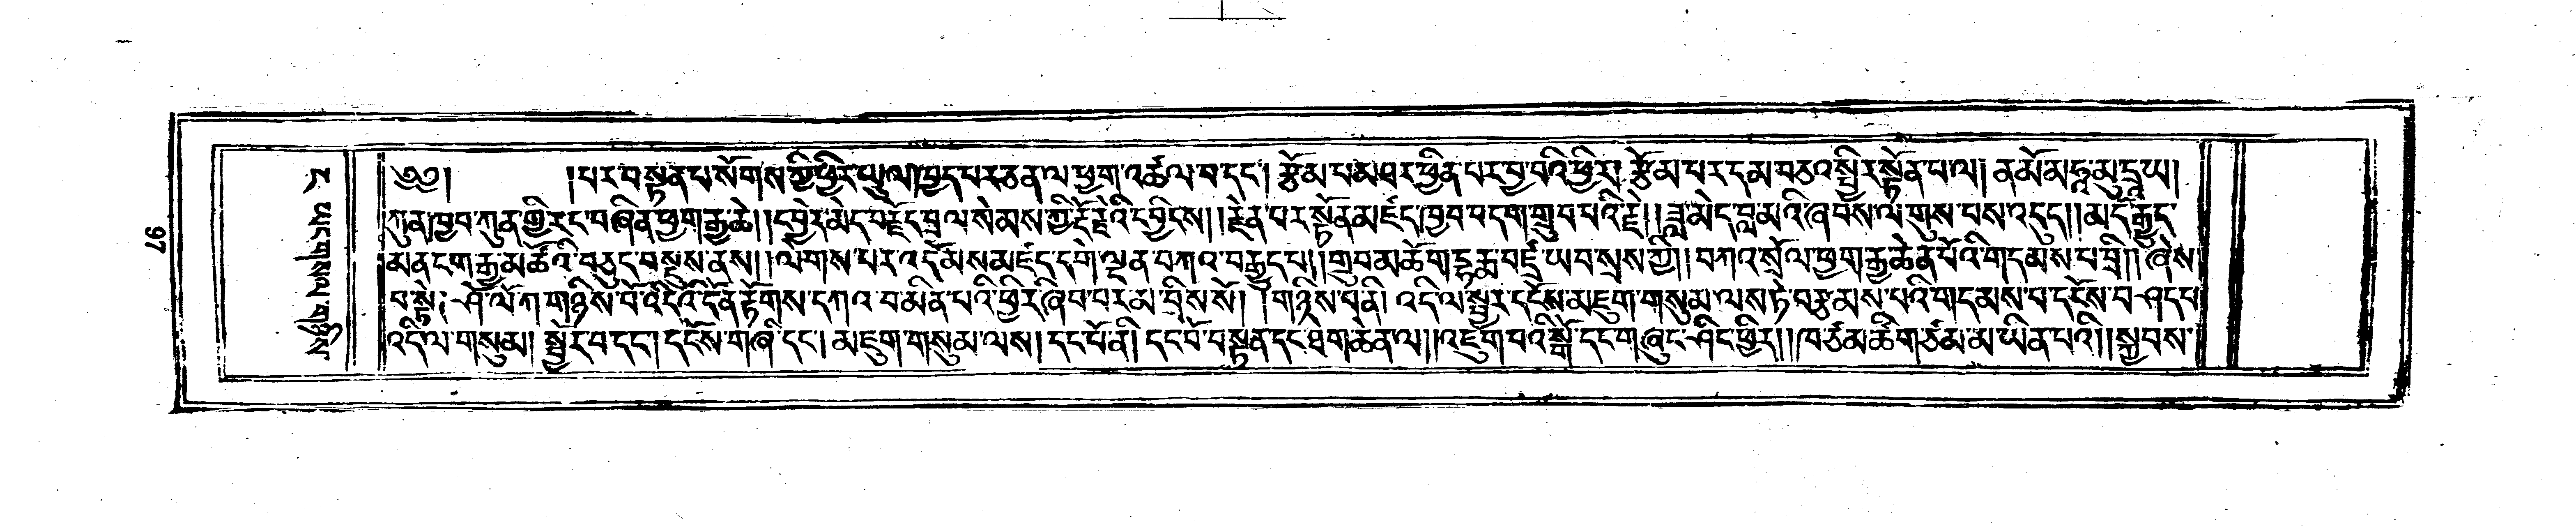༄༅། །པར་བསྟན་པ་སོགས་ཀྱི་ཕྱིར་ཡུལ་ཁྱད་པར་ཅན་ལ་ཕྱག་འཚལ་བ་དང་། རྩོམ་པ་མཐར་ཕྱིན་པར་བྱ་བའི་ཕྱིར། རྩོམ་པར་དམ་བཅའ་སྤྱིར་སྟོན་པ་ལ། ན་མོ་མ་ཧཱ་མུ་དྲཱ་ཡ།
ཀུན་ཁྱབ་ཀུན་གྱི་རང་བཞིན་ཕྱག་རྒྱ་ཆེ། །དབྱེར་མེད་བརྗོད་བྲལ་སེམས་ཀྱི་རྡོ་རྗེའི་དབྱིངས། །རྗེན་པར་སྟོན་མཛད་ཁྱབ་བདག་གྲུབ་པའི་རྗེ། །ཟླ་མེད་བླ་མའི་ཞབས་ལ་གུས་པས་འདུད། །མདོ་རྒྱུད་
མན་ངག་རྒྱ་མཚོའི་བཅུད་བསྡུས་ནས། །ལེགས་པར་འདོམས་མཛད་དགེ་ལྡན་བཀའ་བརྒྱུད་པ། །གྲུབ་མཆོག་དྷརྨ་བཛྲ་ཡབ་སྲས་ཀྱི། །བཀའ་སྲོལ་ཕྱག་རྒྱ་ཆེན་པོའི་གདམས་པ་བྲི། །ཞེས་
པ་སྟེ། ཤོ་ལོ་ཀ་གཉིས་པོ་འདིའི་དོན་རྟོགས་དཀའ་བ་མིན་པའི་ཕྱིར་ཞིབ་པར་མ་བྲིས་སོ། །གཉིས་པ་ནི། འདི་ལ་སྦྱོར་དངོས་མཇུག་གསུམ་ལས་ཏེ་བརྩམས་པའི་གདམས་པ་དངོས་བཤད་པ་
འདི་ལ་གསུམ། སྦྱོར་བ་དང་། དངོས་གཞི་དང་། མཇུག་གསུམ་ལས། དང་པོ་ནི། དང་པོ་བསྟན་དང་ཐེག་ཆེན་ལ། །འཇུག་པའི་སྒོ་དང་གཞུང་ཤིང་ཕྱིར། །ཁ་ཙམ་ཚིག་ཙམ་མ་ཡིན་པའི། །སྐྱབས་